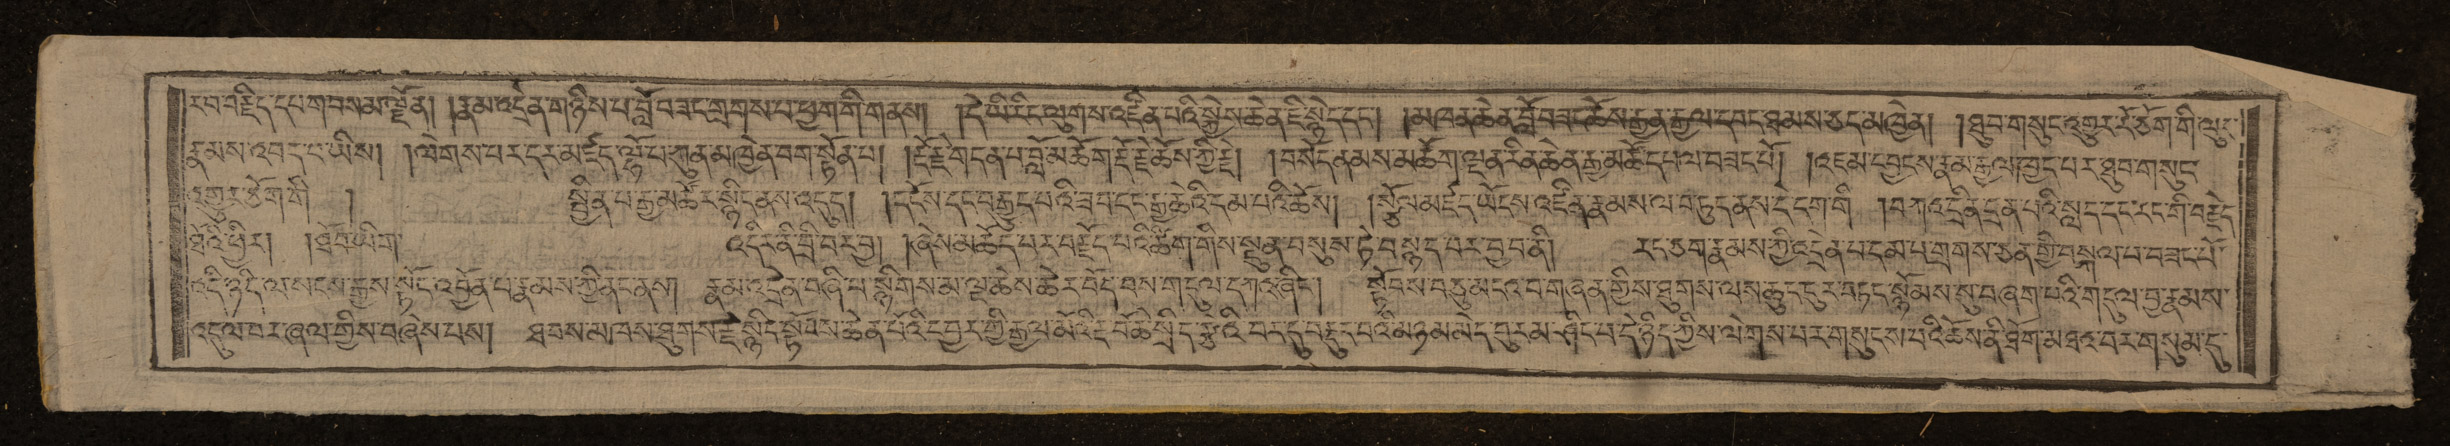རབ་བརྗོད་དཔག་བསམ་ལྗོན། །རྣམ་འདྲེན་གཉིས་པ་བློ་བཟང་གྲགས་པ་ཕྱག་གི་གནས། །དེ་ཡི་རིང་ལུགས་འཛིན་པའི་སྐྱེས་ཆེན་ཇི་སྙེད་དང་། །མཁན་ཆེན་བློ་བཟང་ཆོས་རྒྱན་རྒྱལ་དབང་ཐམས་ཅད་མཁྱེན། །ཐུབ་གསུང་འགྱུར་རོ་ཅོག་གི་ལུང་
རྣམ་འབད་པ་ཡིས། །ལེགས་པར་དར་མཛད་ལྷོ་བ་ཀུན་མཁྱེན་བག་སྟོན་པ། །རྡོ་རྗེ་གདན་པ་བློ་མཆོག་རྡོ་རྗེ་ཆོས་ཀྱི་རྗེ། །བསོད་ནམས་མཆོག་ལྡན་རིན་ཆེན་རྒྱལ་མཚོ་དཔལ་བཟང་པོ། །འཇམ་དབྱངས་རྣམ་རྒྱལ་ཁྱད་པར་ཐུབ་གསུངས་
འགྱུར་ཅོག་གི། སྦྱིན་པ་རྒྱ་མཚོར་སྙིང་ནས་འདུད། །དངོས་དང་བརྒྱུད་པའི་ཟབ་དང་རྒྱ་ཆེའི་དམ་པའི་ཆོས། །སྩོལ་མཛད་ཡོངས་འཛིན་རྣམ་ལ་བ་ཏུད་ནས་དེ་དག་གི །བཀའ་དྲིན་དྲན་པའི་སླད་དང་རང་གི་བརྗེད་
ཐའི་ཕྱིར། ཐོབ་ཡིག་འདིར་ནི་བྲི་བར་བྱ། །ཞེས་མཆོད་པར་བརྗོད་པའི་ཚིག་གིས་སྡུན་བསུས་ཏེ་བསྙད་པར་བྱ་བ་ནི། རང་ཅག་རྣམས་ཀྱི་འདྲེན་པ་དམ་པ་གྲགས་ཅན་གྱི་བསྐལ་བ་བཟང་པོ་
འདི་ཉིད་ལ་སངས་རྒྱས་སྟོང་འབྱོན་པ་རྣམས་ཀྱི་ནང་ནས། རྣམ་འདྲན་བཞི་པ་སྙིགས་མ་ལྔ་ཆོས་ཆེར་བོད་བས་གདུལ་དཀའ་ཞིང་། སྟོབས་བཅུ་མངའ་བ་གཞན་གྱིས་ཐུགས་ལས་ཆུང་དུར་བཏང་སྙོམས་སུ་བཞག་པའི་གདུལ་བྱ་ནམས་
འདུལ་བར་ཞལ་གྱིས་བཞེལ་པས། ཐབས་མཁས་ཐུགས་རྗེ་སྙིང་སྟོབས་ཆེན་པོའི་དབྱར་གྱི་རྒྱལ་མོའི་རྡ་བོ་ཆེ་སྲིད་རྩེའི་བར་དུ་བརྡུང་བའི་མཉམ་མེད་བུར་མ་ཤིང་བ་དེ་ཉིད་ཀྱིས་ལེགས་པར་གསུངས་པའི་ཆོས་ནི་ཐོག་མཐའ་བར་གསུམ་དུ་